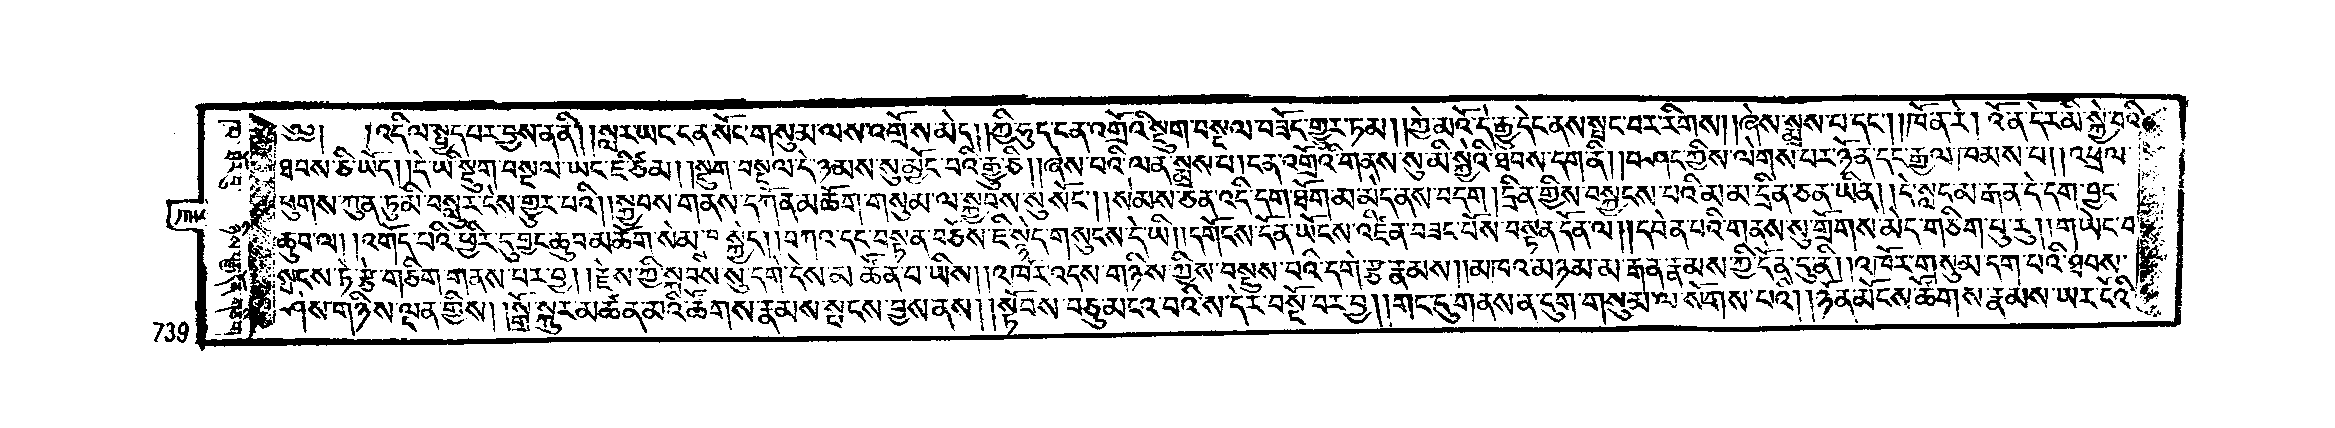༄༅། །འདི་ལ་སྤྱད་པར་བྱས་ན་ནི། །སླར་ཡང་ངན་སོང་གསུམ་ལས་འགྲོ་ས་མེད། །ཀྱི་ཧུད་ངན་འགྲོའི་སྡུག་བསྔལ་བཟོད་གྱུར་ཏམ། །ཀྱེ་མའོ་དེ་རྒྱུ་དེང་ནས་སྤང་བར་རིགས། །ཞེས་སྨྲས་པ་དང་། །ཁོ་ན་རེ། འོ་ན་དེར་མི་སྐྱེ་བའི་
ཐབས་ཅི་ཡོད། །དེ་ཡི་སྡུག་བསྔལ་ཡང་ཇི་ཙམ། །སྡུག་བསྔལ་དེ་ཉམས་སུ་མྱོང་བའི་རྒྱུ་ཅི། །ཞེས་པའི་ལན་སྨྲས་པ། ངན་འགྲོའི་གནས་སུ་མི་སྐྱེའི་ཐབས་དག་ནི། །བཤད་ཀྱིས་ལེགས་པར་ཉོན་དང་རྒྱལ་ཁམས་པ། །འཕྲལ་
ཕུགས་ཀུན་ཏུ་མི་བསླུར་ངེས་གྱུར་པའི། །སྐྱབས་གནས་དཀོན་མཆོག་གསུམ་ལ་སྐྱབས་སུ་སོང་། །སེམས་ཅན་འདི་དག་ཐོག་མ་མེད་ནས་བདག །དྲིན་གྱིས་བསྐྱངས་པའི་མ་མ་དྲིན་ཅན་ཡིན། །དེ་སླད་མ་རྒན་དེ་དག་བྱང་
ཆུབ་ལ། །འགོད་པའི་ཕྱིར་དུ་བྱང་ཆུབ་མཆོག་སེམས་བསྐྱེད། །བཀའ་དང་བསྟན་བཅོས་ཇི་སྙེད་གསུངས་དེ་ཡི། །དགོངས་དོན་ཡོངས་འཛིན་བཟང་པོས་བསྟན་དོན་ལ། །དབེན་པའི་གནས་སུ་གྲོགས་མེད་གཅིག་པུ་རུ། །གཡང་བ་
སྤངས་ཏེ་རྩེ་གཅིག་གནས་པར་བྱ། །རྗེས་ཀྱི་སྐབས་སུ་དགེ་དེས་མཚོན་པ་ཡིས། །འཁོར་འདས་གཉིས་ཀྱིས་བསྡུས་པའི་དགེ་རྩ་རྣམས། །མཁའ་མཉམ་མ་རྒན་རྣམས་ཀྱི་དོན་དུ་ནི། །འཁོར་གསུམ་དག་པའི་ཐབས་
ཤེས་གཉིས་ལྡན་གྱིས། །སྒྲོ་སྐུར་མཚན་མའི་ཚོགས་རྣམས་སྤངས་བྱས་ནས། །སྟོབས་བཅུ་མངའ་བའི་ས་དེར་བསྔོ་བར་བྱ། །གང་དུ་གནས་ན་དུག་གསུམ་ལ་སོགས་པའི། །ཉོན་མོངས་ཚོགས་རྣམས་ཡར་ངོའི་